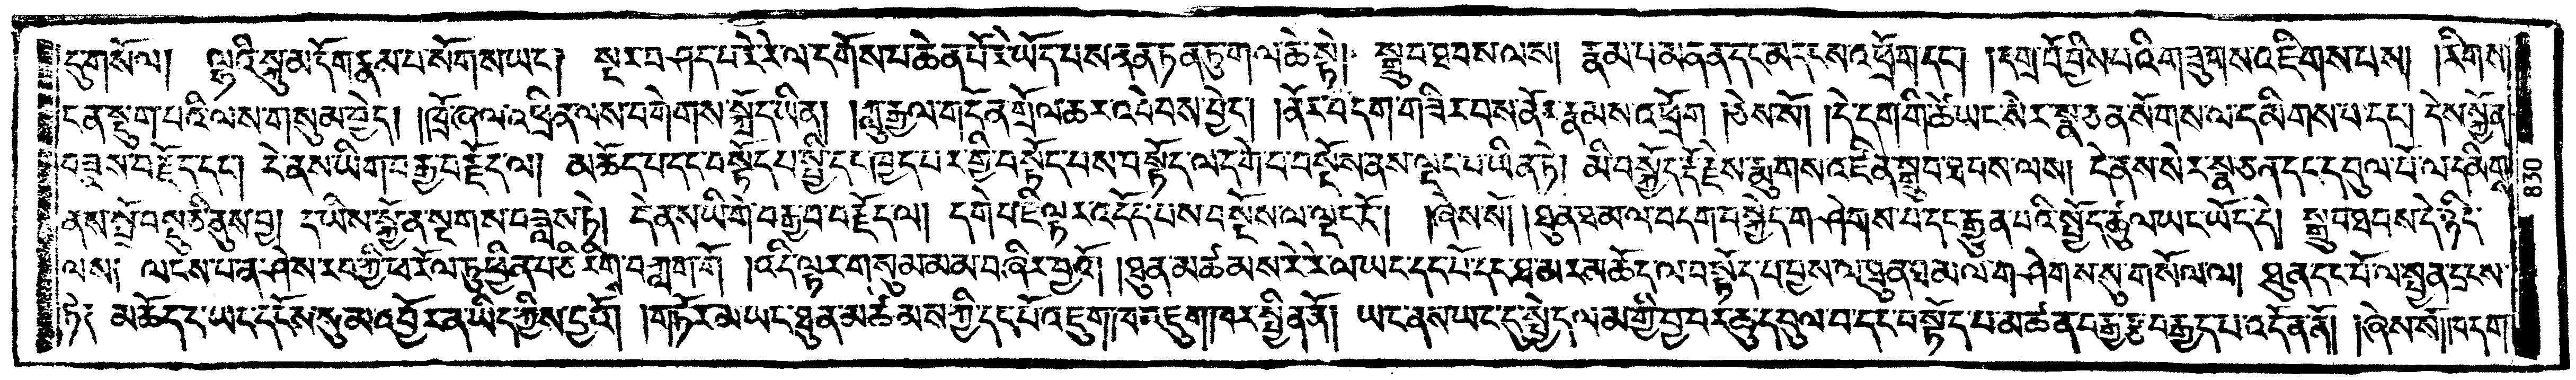དུ་གསོལ། ལྷའི་སྐུ་མདོག་རྣམ་པ་སོགས་ཡང་། སྔར་བཤད་པ་རེ་རེ་ལ་དགོས་པ་ཆེན་པོ་རེ་ཡོད་པས་ནན་ཏན་ཏུ་གལ་ཆེ་སྟེ། སྒྲུབ་ཐབས་ལས། རྣམ་པ་མནན་དང་མདངས་འཕྲོག་དང་། །དགྲ་བོ་བྱིས་པའི་གཟུགས་འཇིགས་པས། །རིགས་
ངན་སྡུག་པའི་ལས་གསུམ་བྱེད། །ཁྲོ་ཞལ་འཕྲིན་ལས་བགེགས་སྐྲོད་ཡིན། །ཀླུ་རྒྱལ་གདོན་གྲོལ་ཆར་འབེབས་བྱེད། །ནོར་བདག་གཟིར་བས་ནོར་རྣམས་འཕྲོག །ཅེས་སོ། །དེ་དག་གི་ཚེ་ཡང་སེར་སྣ་ཅན་སོགས་ལ་དམིགས་པ་དང་། དེས་སྐྱོན་
བཟླས་བརྗོད་དང་། དེ་ནས་ཡིག་བརྒྱ་བརྗོད་ལ། མཆོད་པ་དང་བསྟོད་པ་སྤྱི་དང་ཁྱད་པར་གྱི་བསྟོད་པས་བསྟོད་ལ་དགེ་བ་བསྔོས་ནས་ལྡང་པ་ཡིན་ཏེ། མི་བསྐྱོད་རྡོ་རྗེས་རྨུགས་འཛིན་སྒྲུབ་ཐབས་ལས། དེ་ནས་སེར་སྣ་ཅན་དང་དབུལ་པོ་ལ་དམིགས་
ནས་སྤྲོ་བསྡུ་ཅི་ནུས་བྱ། ད་ཡིས་སྐྱོན་སྔགས་བཟླས་ཏེ། དེ་ནས་ཡི་གེ་བརྒྱ་བ་བརྗོད་ལ། དགེ་བ་ཇི་ལྟར་འདོད་པས་བསྔོས་ལ་ལྡང་ངོ། །ཞེས་སོ། །ཐུན་ཐམ་ལ་བདག་བསྐྱེད་གཤེགས་པ་དང་རྒྱུན་པའི་སྤྱོད་ཚུལ་ཡང་ཡོད་དེ། སྒྲུབ་ཐབས་དེ་ཉིད་
ལས༑ ལངས་པ་ན་ཤེས་རབ་ཀྱི་ཕ་རོལ་ཏུ་ཕྱིན་པ་ཅི་རིགས་བཀླག་གོ །འདི་ལྟར་གསུམ་མམ་བཞིར་བྱའོ། །ཐུན་མཚམས་རེ་རེ་ལ་ཡང་དང་པོ་དང་ཐ་མར་མཆོད་ལ་བསྟོད་པ་བྱས་ལ་ཐུན་ཐ་མ་ལ་གཤེགས་སུ་གསོལ་ལ། ཐུན་དང་པོ་ལ་སྤྱན་དྲང་
ཏེ༑ མཆོད་པ་ཡང་དངོས་སུ་མ་འབྱོར་ན་ཡིད་ཀྱིས་བྱའོ། །གཏོར་མ་ཡང་ཐུན་མཚམས་ཀྱི་དང་པོ་འཇུག་ཁ་འཇུག་ཁར་སྤྱིན་ནོ། ཡང་ནས་ཡང་དུ་སྤྱེད་ལམ་གྱི་བྱ་བར་ཆུད་དབུལ་པ་དང་བསྟོད་པ་མཚན་བརྒྱ་རྩ་བརྒྱད་པ་འདི་ན་ནོ། །ཞེས་སོ། །བདག་